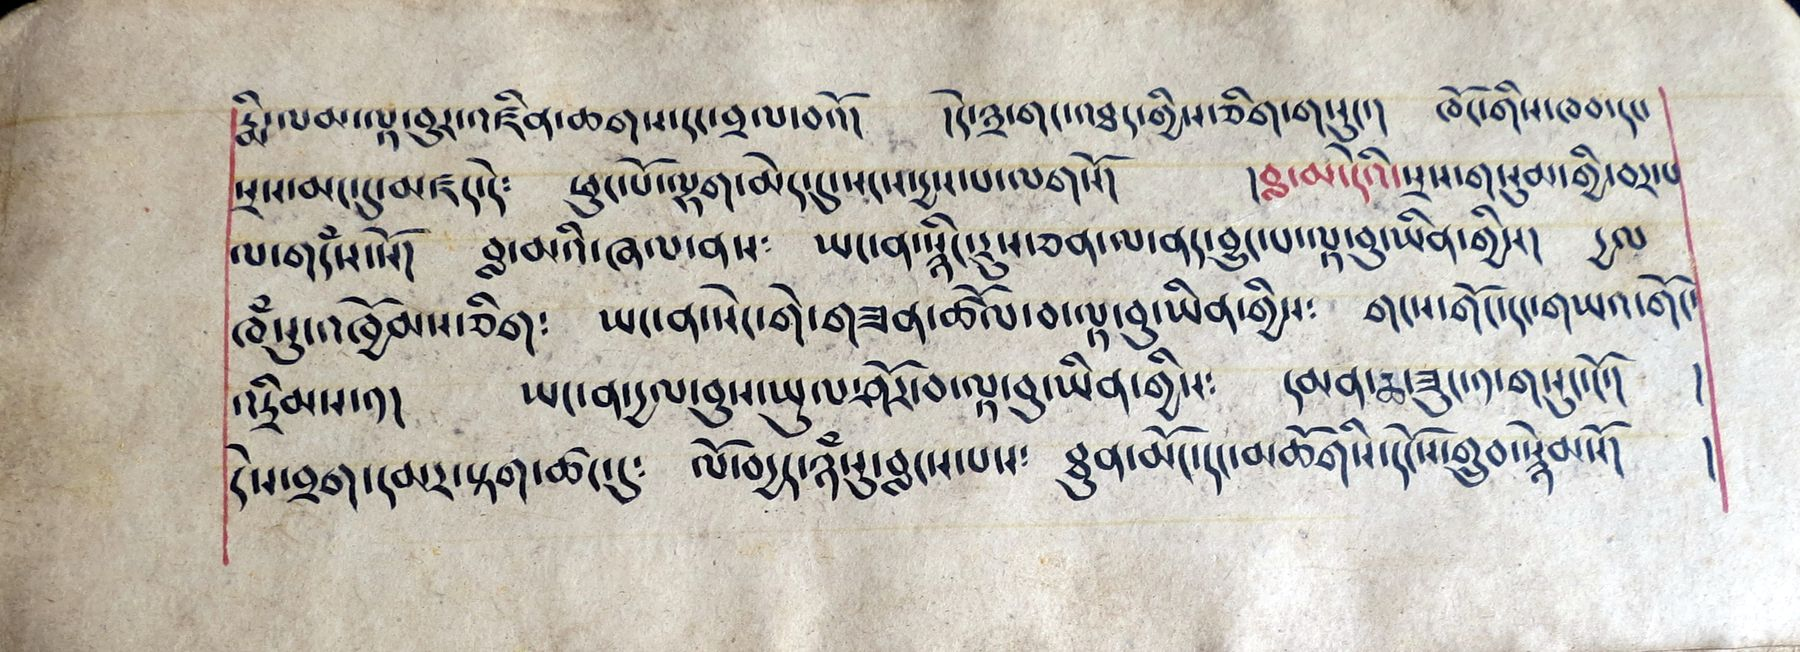]ལ་རྨི་ལམ་ལྟ་བུར་འཛིན་ཆགས་དང་བྲལ་བའོ། །དེ་གསུམ་གང་འཐད་གྱིས་ཤིག་གསུངས། ཁོང་གིས་ཁབ་དང་
སྲས་མང་དུ་མཛད་དེ། ཕུང་པོ་ལྷག་མེད་དུ་སངས་རྒྱས་པ་ལགས་སོ། །བླ་མ་དེས་སྲས་གསུམ་གྱི་བར་མ་
ལ་གདམས་སོ། །བླ་མ་དེས་སྲས་གསུམ་གྱི་བར་པ་ལ་གདམས་སོ། བླ་མའི་ཞལ་ནས། ཡང་ན་སྙིང་རུས་ཅན་ལ་ནད་བྱུང་བ་ལྟ་བུ་ཡིན་གྱི། རྒྱལ་
ཁམས་སུ་འཁྱོམས་ཤིག ཡང་ན་སེང་གེས་གཟན་འཚོལ་ལྟ་བུ་ཡིན་གྱི། གངས་གོང་དང་གཡའ་གོང་
འགྲིམས་ཤིག ཡང་ན་རྒྱལ་བུས་ཡུལ་ཤོར་བ་ལྟ་བུ་ཡིན་གྱི། དམན་ཆ་ཟུངས་ཤིག་གསུངས་སོ། །
དེས་གད་དམར་སྟག་ཚང་དུ་ལོ་བརྒྱད་ཉམས་སུ་བླངས་པས4། ཐུན་མོང་དང་མཆོག་གི་དངོས་གྲུབ་དུ་མ་བསྙེམས་སོ། །